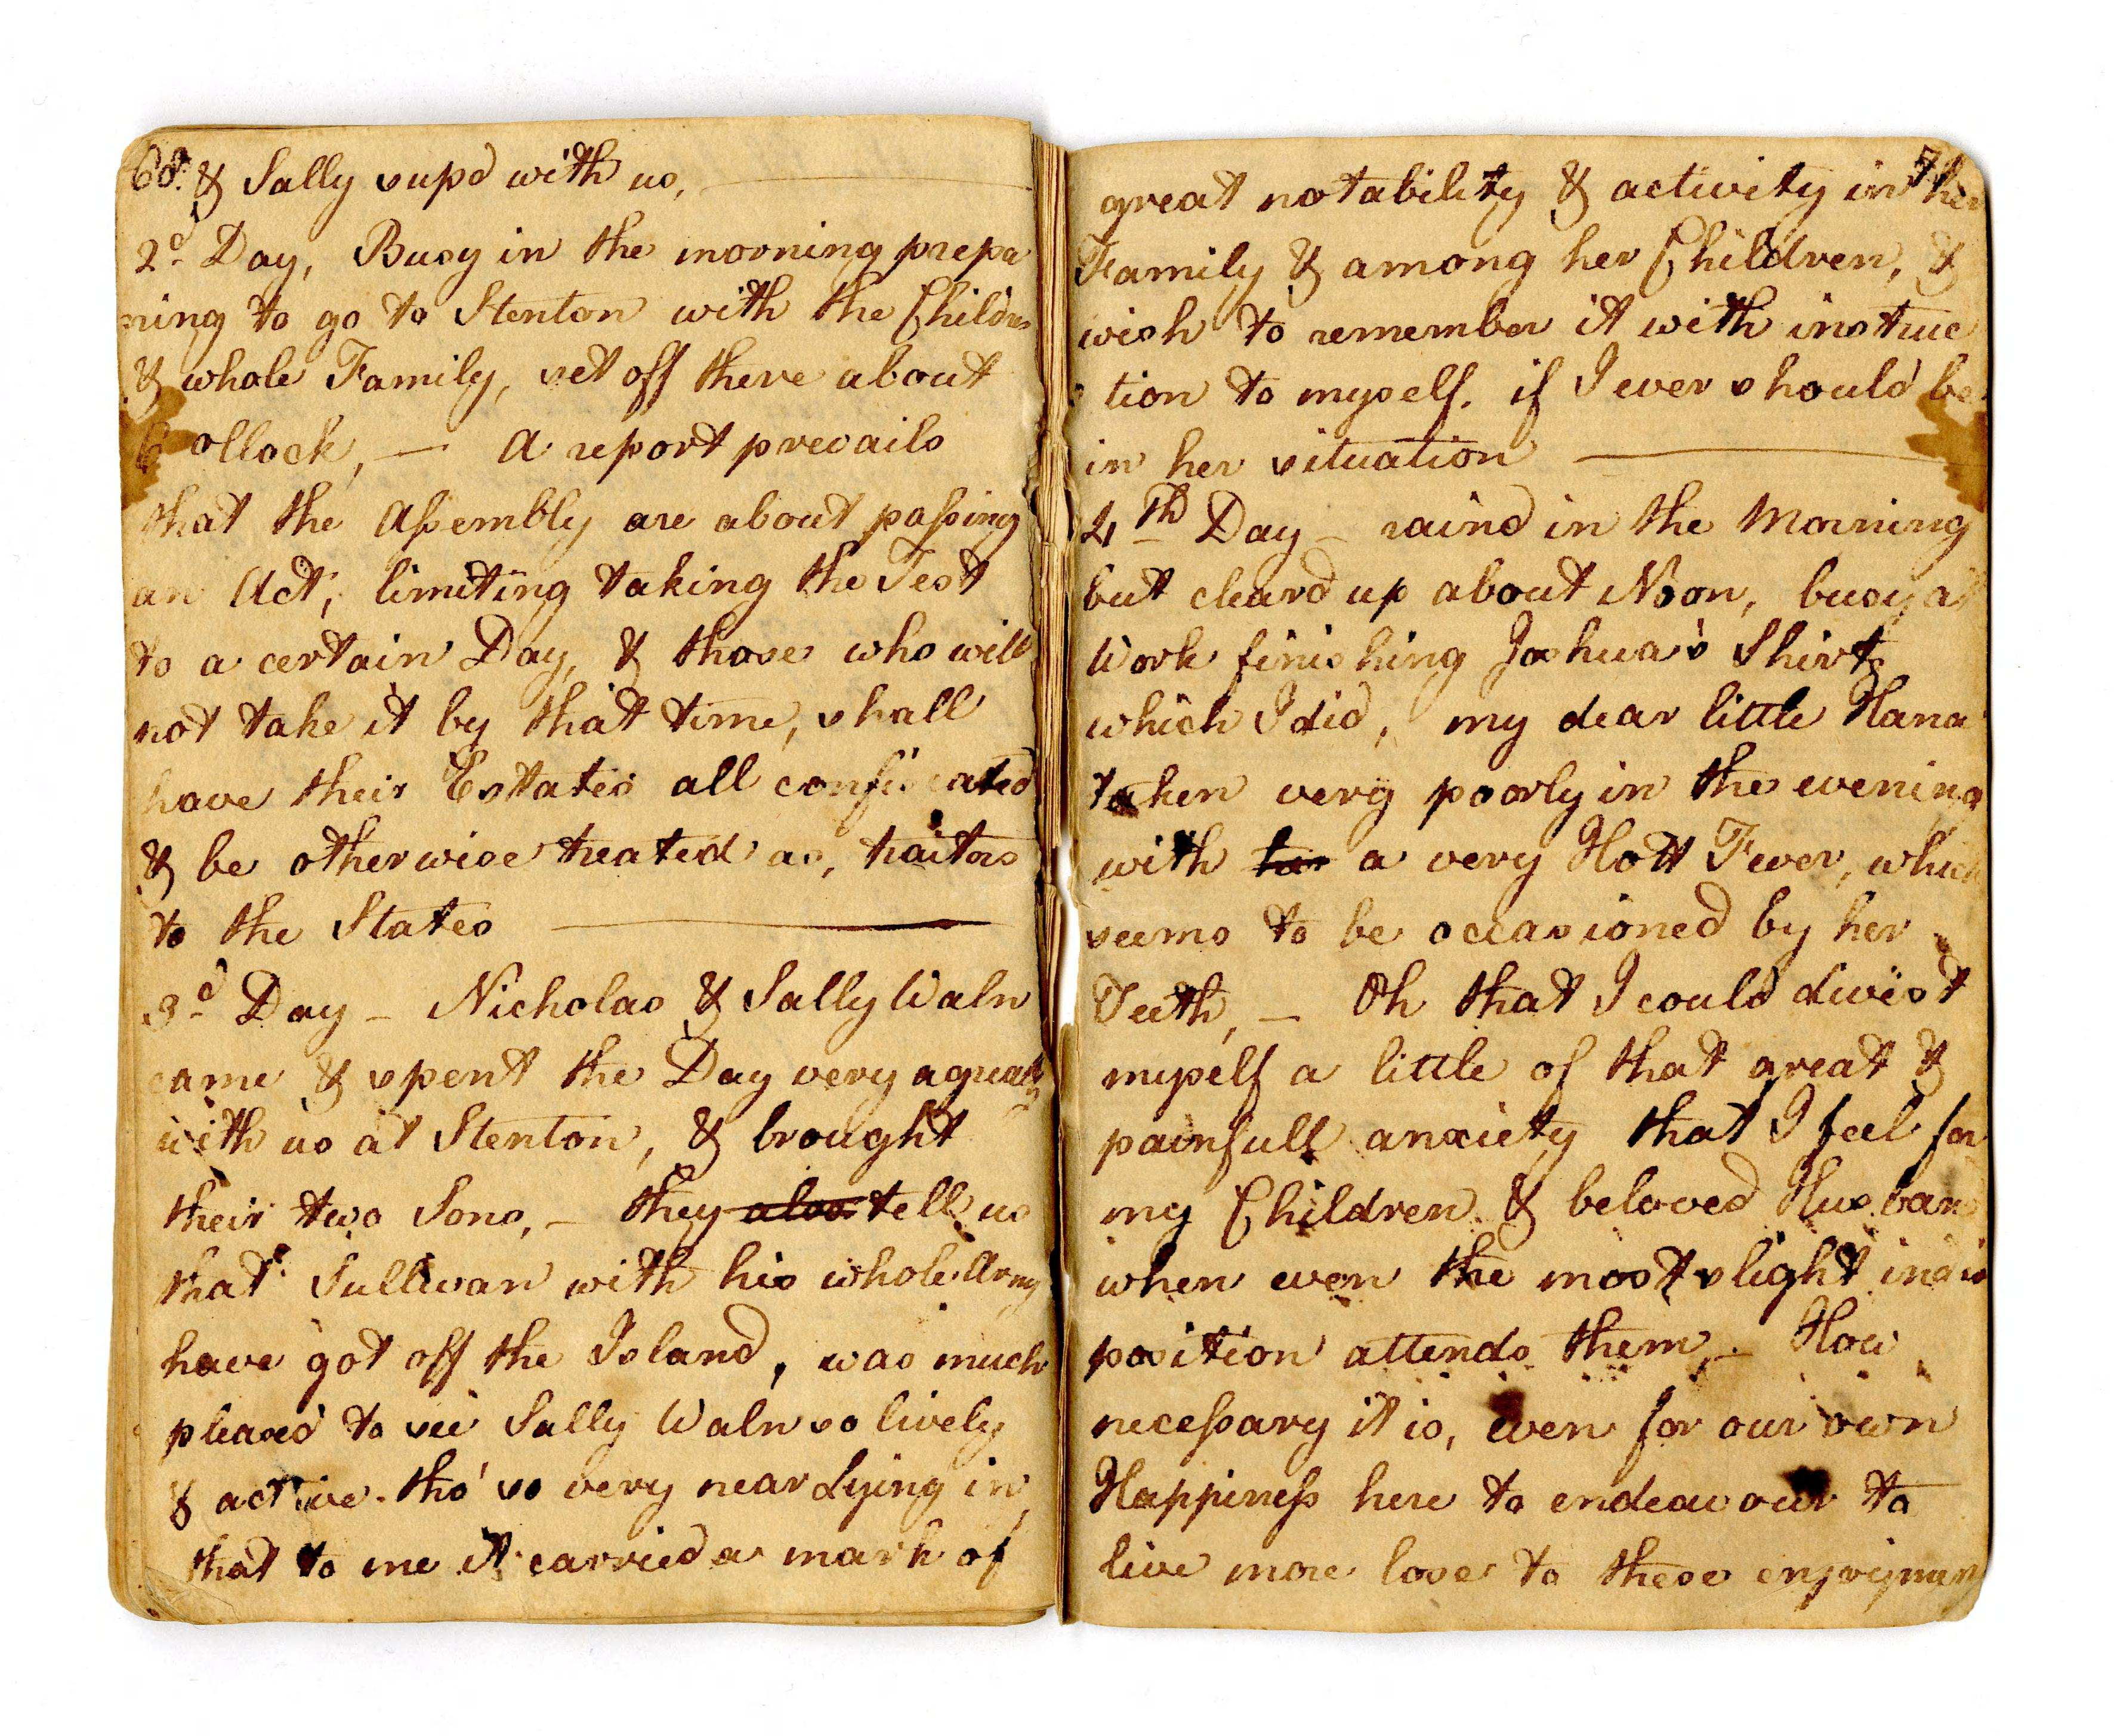68
& Sally supd with us,
2^d. Day, Busy in the morning prepa
-ring to go to Stenton with the Children
& whole Family, set off there about
6^o Clock-- A report prevails
that the Assembly are about passing
an Act, limiting taking the Test
to a certain Day, & those who will
not take it by that time, shall
have their Estates all confiscated
& be otherwise treated as, traitors
to the States-
3^d Day- Nicholas & Sally Waln
came & spent the Day very agreably
with us at Stenton, & brought
their two Sons- they also tell us
that Sullivan with his whole Army
have got off the Island, was much
pleased to see Sally Waln so lively
& actwe tho' so very near Lying in
that to me it carried a mark of
71
great notability & activity int her
Family & among her Children, &
wish to remember it with instruc
tion to myself, if I ever should be
in her situation-
4^th Day- raind in the morning
but cleard up about Noon, busy a
Work finishing Joshua's Shirts
which I did, my dear little Hana
taken very poorly in the evening
with [___] a very Hott Fever, which
seems to be occasioned by her
Teeth- Oh that I could divest
myself a little of that great &
painfull anxiety that I feel for
my Children & beloved Husband
when even the most slight indis
position attends them- How
necessary it is, even for our own
Happiness here to endeavour to
live more lose to these enjoymen